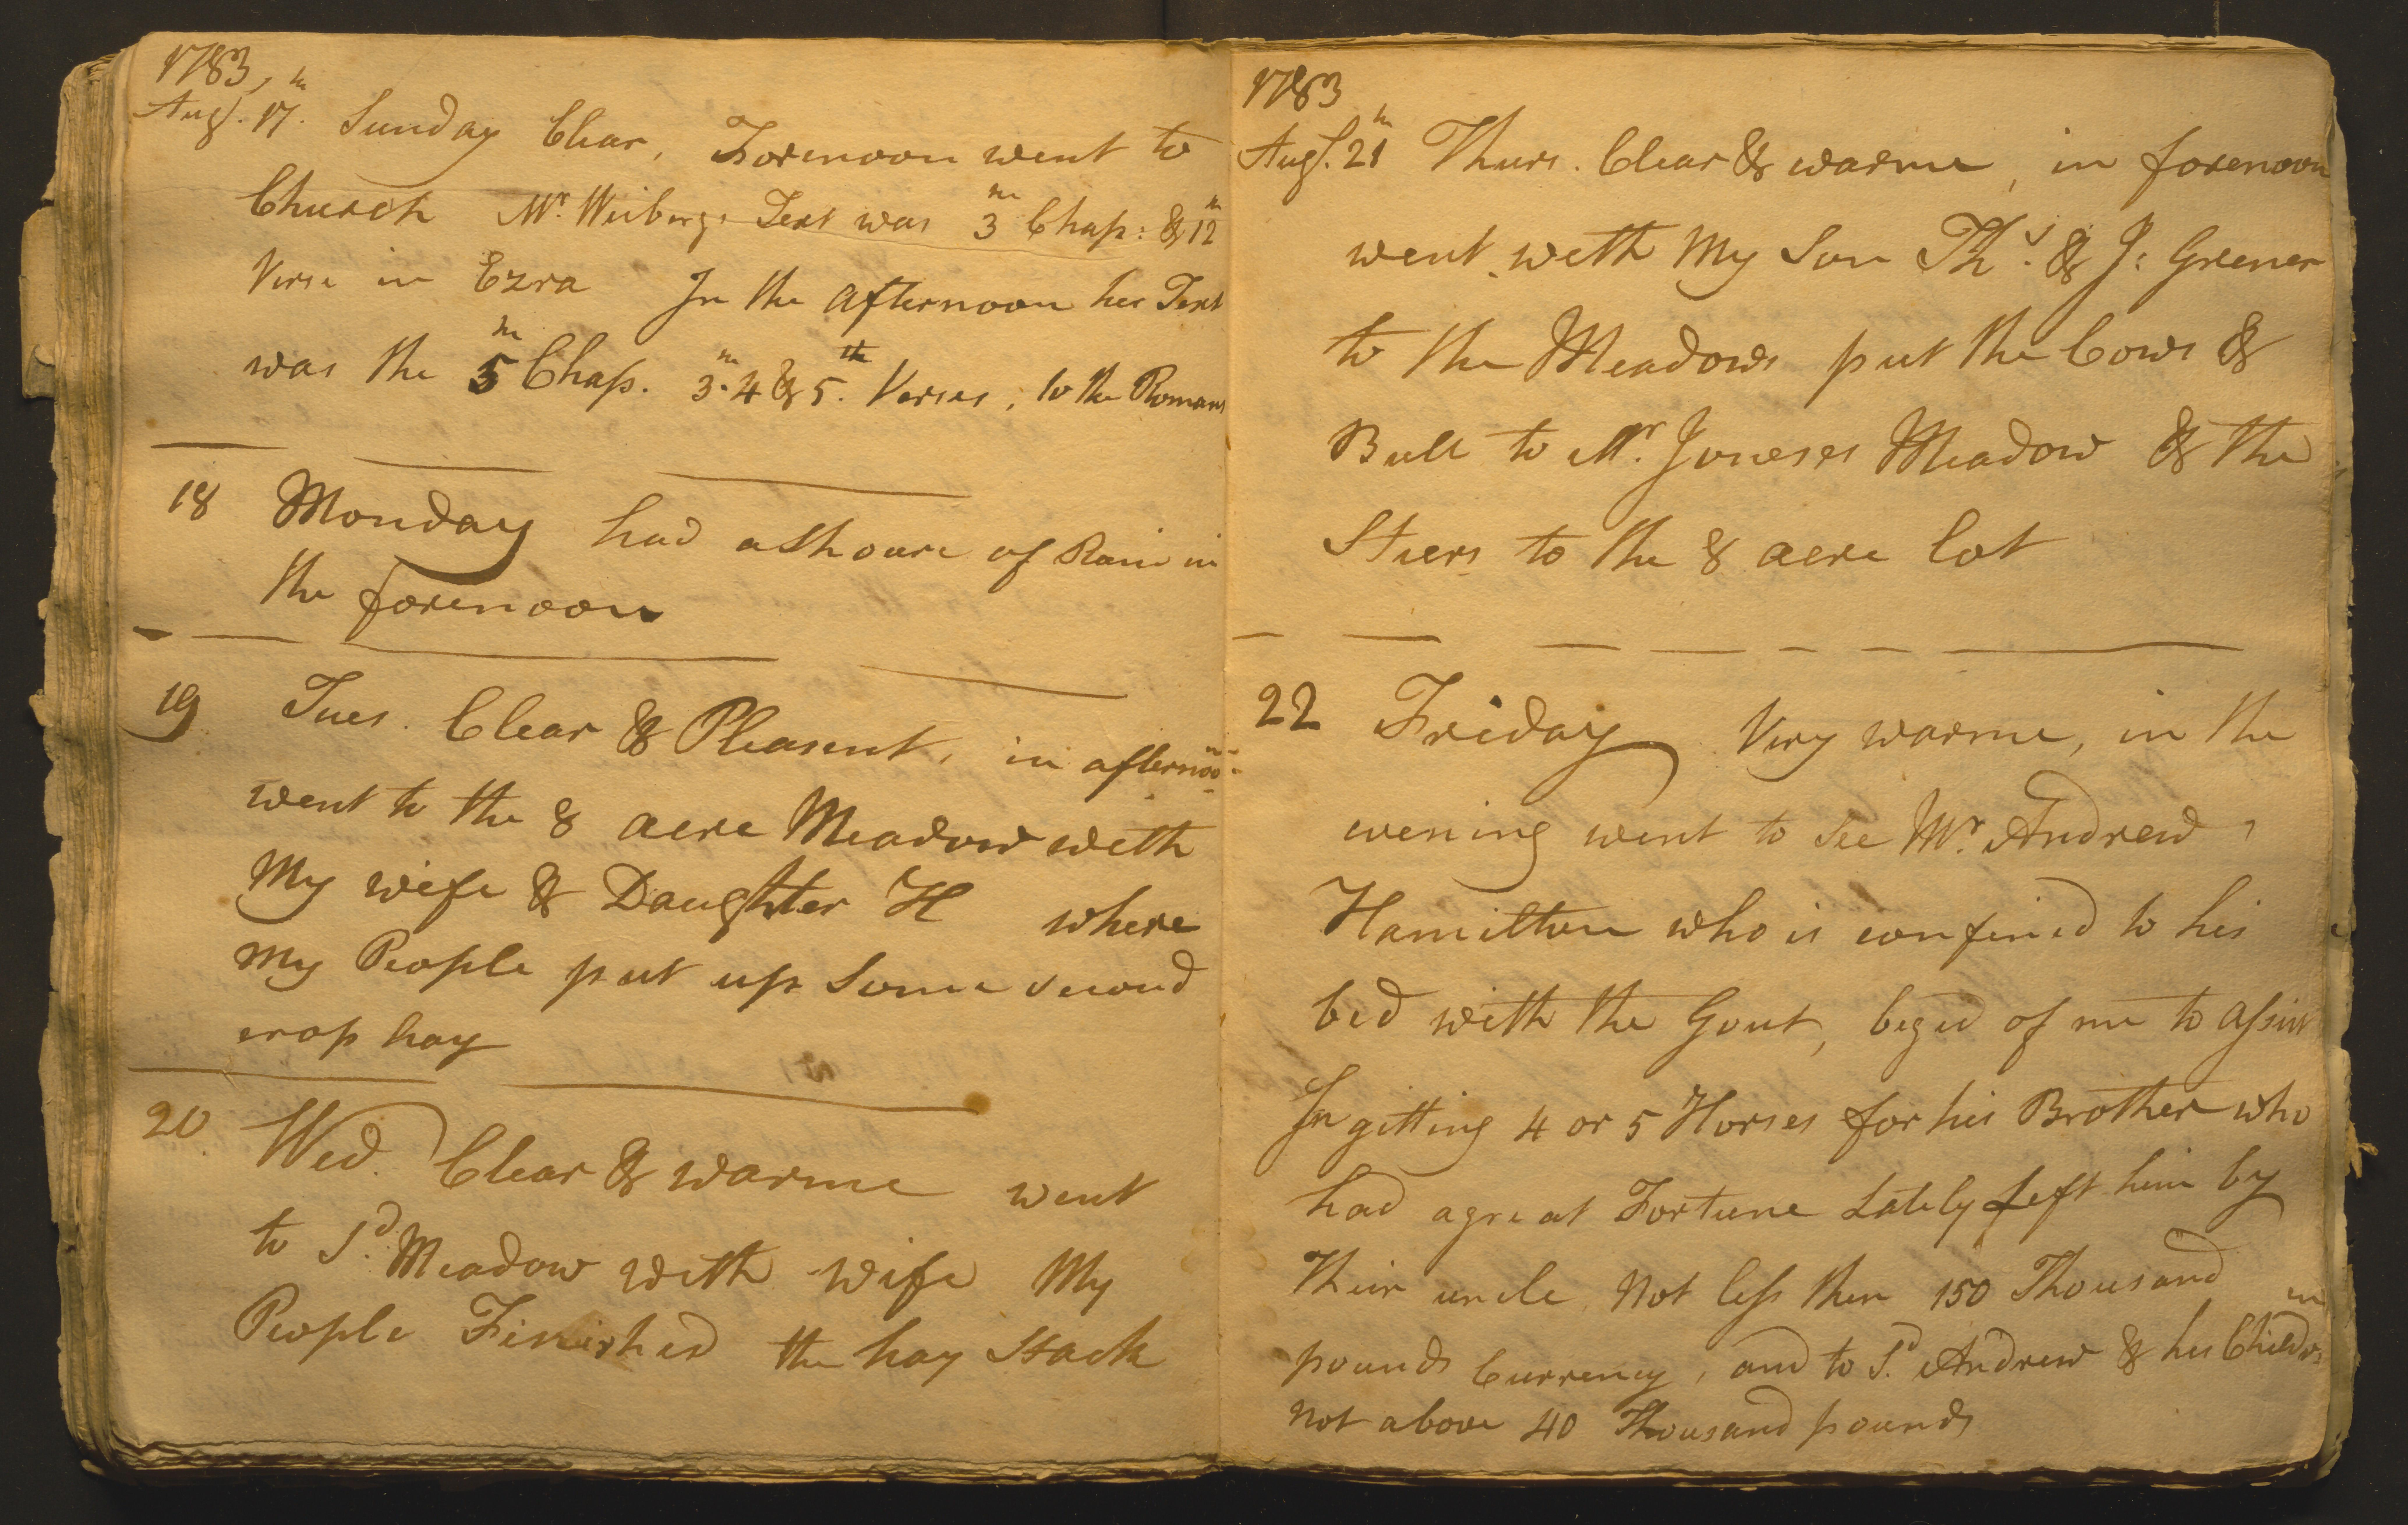1783,
Aug^t. 17^th Sunday Clear Forenoon went
Church M^r. Weibergs Text was 3^th Chap: & 12^th
Verse in Ezra In the afternoon his Text
was the 5^th Chap. 3^th. 4 & 5th. Verses, to the Roman
18 Monday had a shoure of Rain in
the forenoon
19 Tues. Clear & Pleasent, in afternoo^n.
went to the 8 acre Meadow with
My wife & Daughter H
My People put up some second
crop hay
20
Wed. Clear & warme went
to S^d. Meadow with wife, My
People Finished the hay stack
1783
Aug^t. 21^th Thurs. Clear & warme in forenoon
went with My Son Th^s. & J: Greener
to the Meadows put the Cows &
Bull to M^r. Joneses Meadow & the
Steers to the & acre lot
22 Friday Very warme, in the
evening went to see M^r. Andrew
Hamilton who is confined to his
bed with the Gout, beged of me to Assist
for getting 4 or 5 Horses for his Brother who
had a great Fortune Lately Left him by
Their uncle, Not less then 150 Thousand
pounds Curreney, and to S^d. Andrew & his Child^ren.
not above 40 Thousand pounds